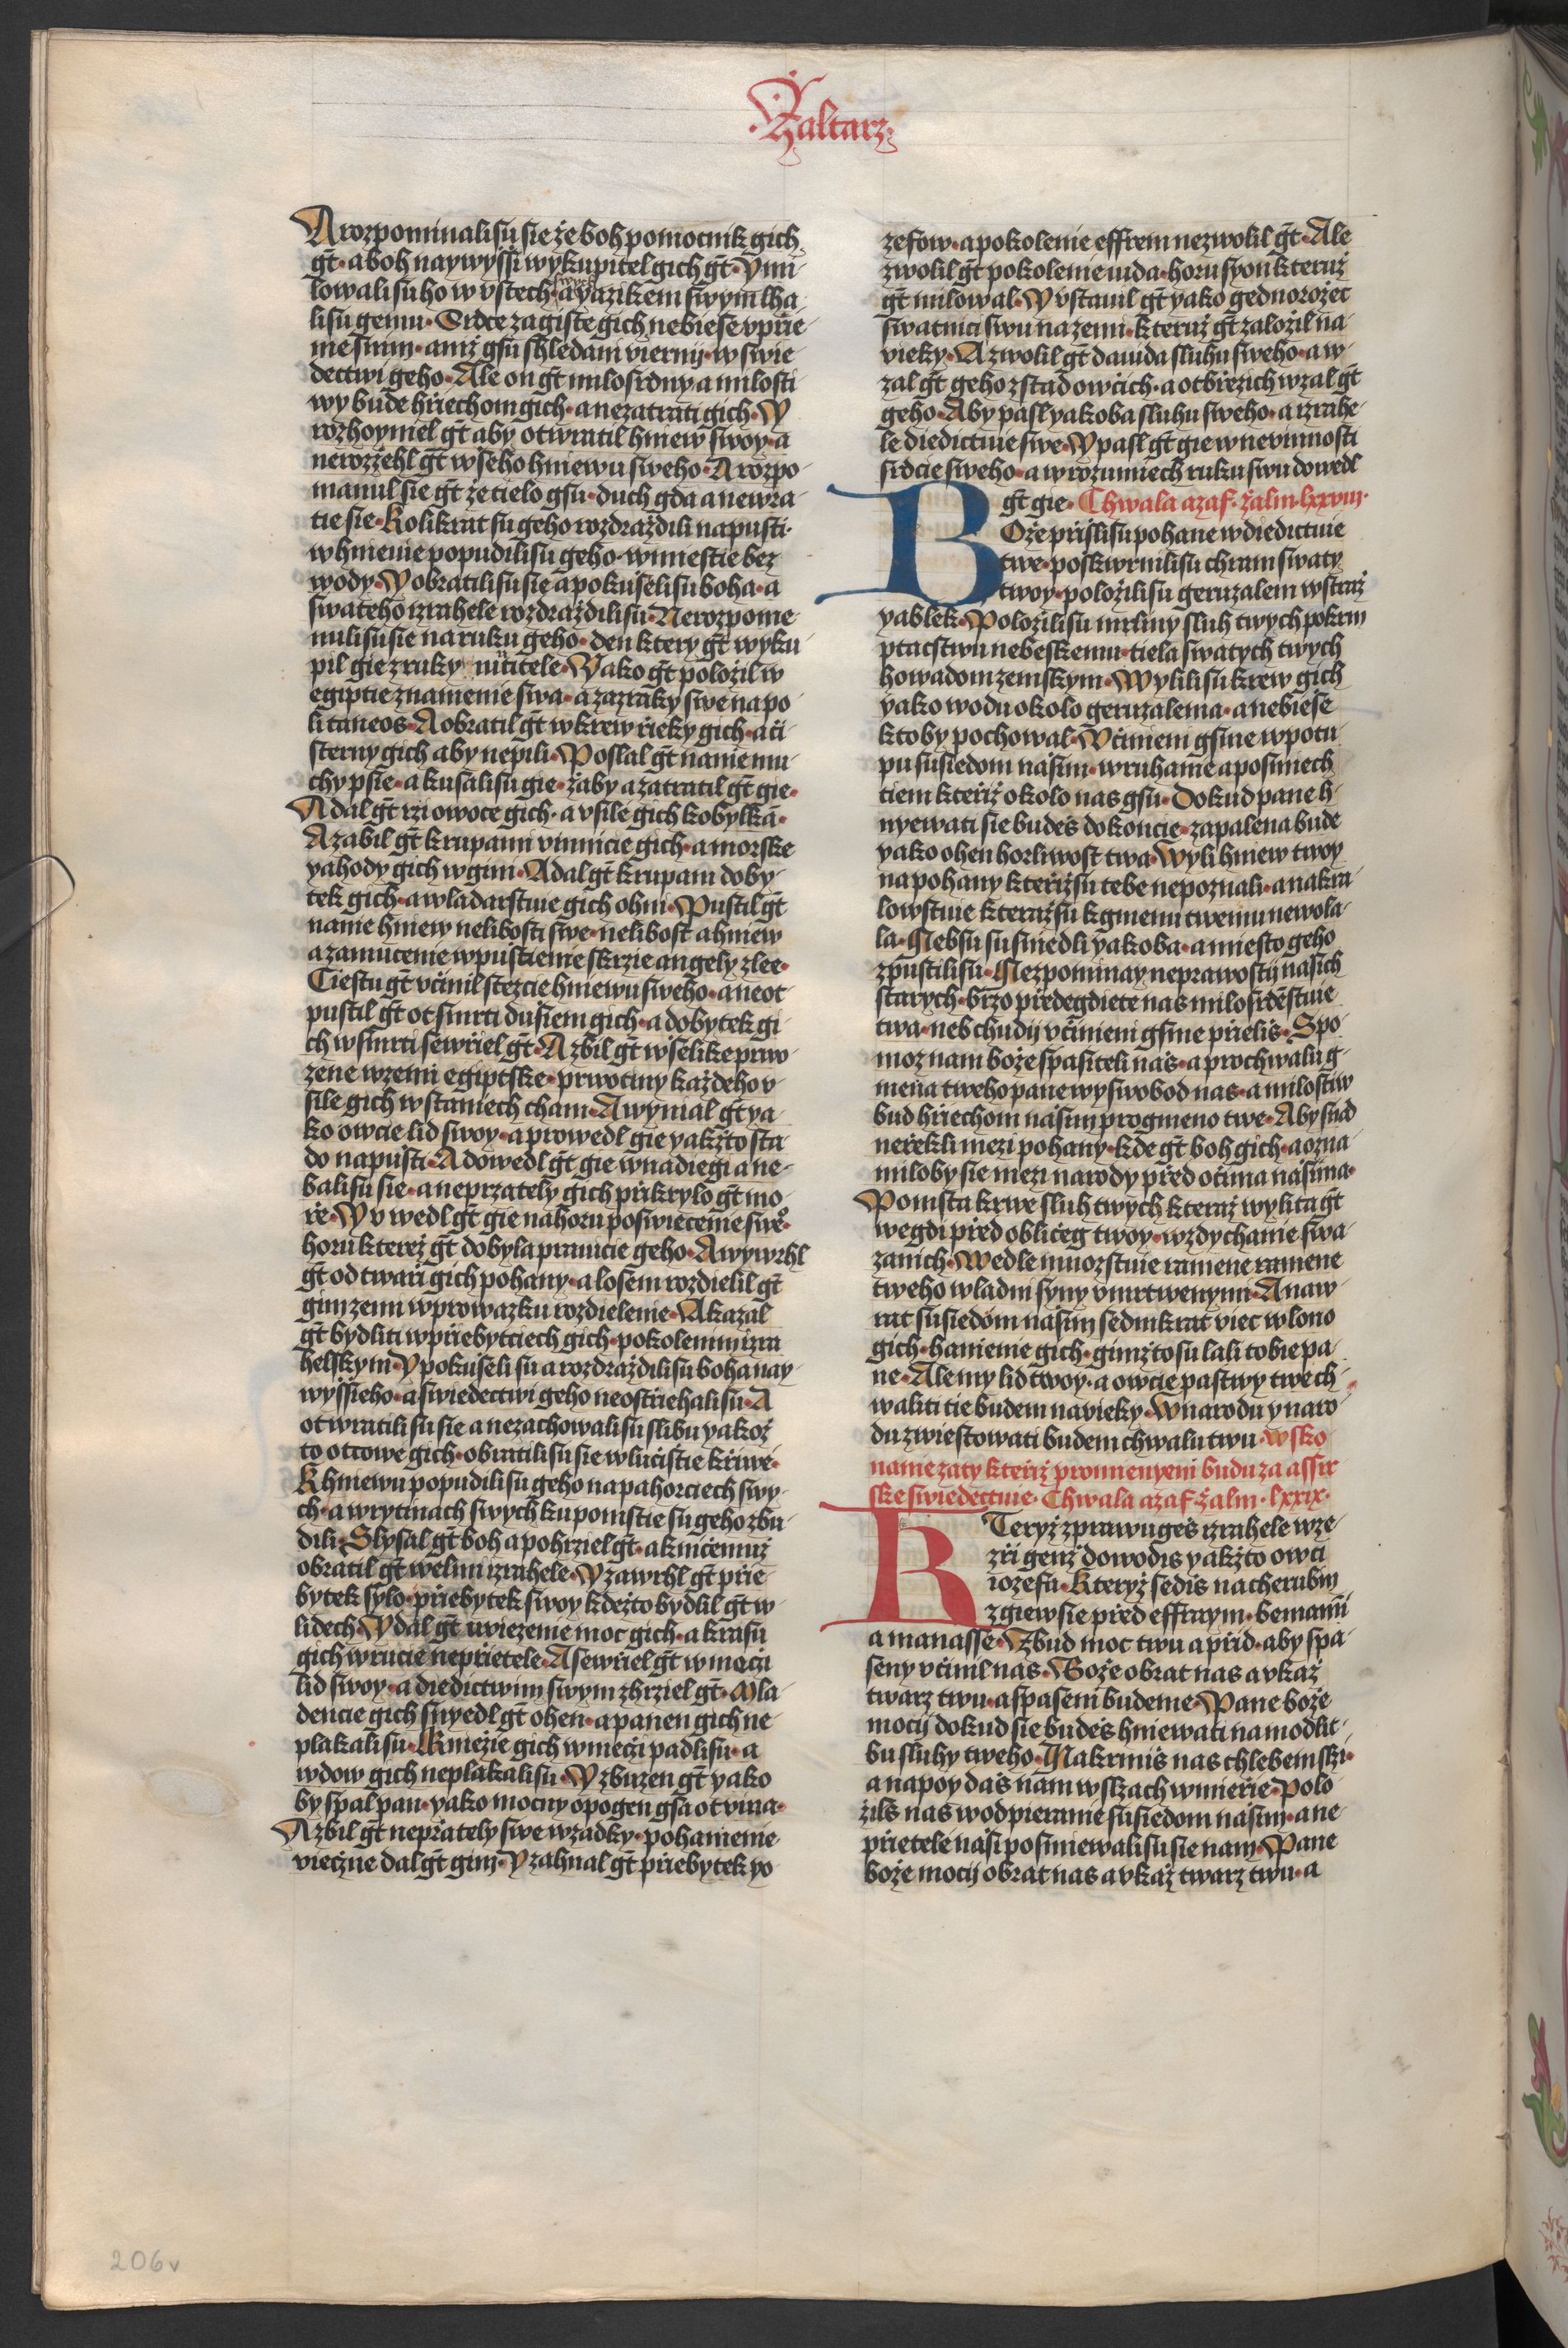.Żaltarz.
A rozpominaliſu ſie że boh pomocnik gich
ḡt.aboh naywyẛẛi wykupitel ḡt.Ymi¬
lowaliſu ho w vſtech.swych a yazikem ſwym lha¬
liſu gemu.Srdce zagiſte gich nebieſe vpṙie¬
meſnim.aniż gſu ſhledani viernii.wſwie¬
dectwi geho.Ale on ḡt miloſrdny a miloſti¬
wy bude hṙiechom gich.a nezatrati gich.Y
rozhoyniel ḡt aby otwratil hniew ſwoy.a
nerozżehl ḡt wẛeho hniewu ſweho.A rozpo¬
manul ſie ḡt że tielo gſu.duch gda a newra¬
tie ſe.Kolikrat ſu geho rozdrażdili napuſti.
whnieuie popudiliſu geho.wmieſtie bez¬
wody.Y obratiliſu ſie a pokuẛeliſu boha.a
ſwateho izrahele rozdrażdiliſu.Nerozpome¬
nuliſuſie na ruku geho.den ktery ḡt wyku¬
pil gie zruky.niċitele.Yako ḡt položil w¬
egiptie znameníe ſwa.a zazraky ſwe na po¬
li taneos.A obratil ḡt wkrew ṙieky gich.aċi¬
ſterny gich aby nepili.Poſlal ḡt nanie mu¬
chy pſie.a kuſali ſu gie.żaby a zatratil ḡt gie.
A dal ḡt rzi owoce gich.a vſilé gich kobylkā.
A zabil ḡt krupami vinnicie gich.a morſke
yahody gich wgíní.Adal ḡt krupam doby¬
tek gich.a wladarſtuie gich ohni.Puſtil ḡt
nanie hniew neliboſti ſwe.neliboſt a hniew
a zamucenie wpuſtienie ſkrzie angely zlee.
Cieſtu ḡt vċinil ſtezcie hniewu ſweho.aneot¬
puſtil ḡt otſmrti duẛiem gich.a dobytek gi¬
ch wſmrti ſewṙiel ḡt.A zbil ḡt wẛelike prw¬
zene w zemi egiptſke.Prwotiny każdeho v¬
ſile gich wſtaniech cham.A wynial ḡt ya¬
ko owcie lid ſwoy.a prowedl gie yakżto ſta¬
do napuẛti.A dowedl ḡt gie wnadiegi a ne¬
baliſu ſie.a neprzately gich pṙikrylo ḡt mo¬
ṙe.A v wedl ḡt gie nahoru poſwiecenie ſweo.
horu ktreż ḡt dobyla prauicie geho.A wywrhl
ḡt od twaṙi gich pohany.a loſem rozdielil ḡt
gim zemi wprowazku rozdielenie.Akazal
ḡt bydliti wpṙiebytciech gich.pokolenim izra¬
helſkym.Ypokuẛeli ſu a rozdrażdiliſu boha nay¬
wyẛẛieho.a ſwiedectwi geho neoſtṙiehaliſu.A
otwratili ſu ſie a nezachowali ſu ſlibu yakož
to otcowe gich.obratili ſu ſie wluċiẛtie kṙiwé.
K hniewu popudili ſu geho napahorciech ſwy¬
ch.a wrytinach ſwych kuponiſtie ſu geho zbu¬
dili.Slyſal ḡt boh a pohrziel ḡt.a kniċemuż
obratil ḡt welmi izrahele.Y zawrhl ḡt pṙie¬
bytek ſylo.pṙiebytek ſwoy kdeżto bydlil ḡt w¬
lidech.Y dal ḡt uviezenie moc gich.a kraſu
gich wrucie nepṙietele.Aſewṙiel ḡt wmocżi
lid ſwoy.a diedictwím ſwym zhrziel ḡt. Mla¬
dencie gich ſnyedl ḡt ohen.apanen gich ne¬
plakali ſu.Knieżie gich wmecżi padliſu.a¬
wdow gich neplakaliſu.Y zbuzen ḡt yako
by ſpal pan.yako mocny opogen gſa ot vina.
Azbil ḡt nepṙately ſwe wzadky.pohanienie
viecżne dal ḡt gim.Yzahnal ḡt pṙiebytek yo¬
zefow.a pokolenie effrem nezwolil ḡt.Ale
zwolil ḡt pokolenie uida.horu ſyon kteruż
ḡt milowal.Y vſtauil ḡt yako gednorożec
ſwatnici ſwu na zemi.Kteruż ḡt zalożil na
vieky.A zwolil ḡt dauida ſluhu ſweho.a w¬
zal ḡt geho zſtad owċich.a otbṙezich wzal ḡt
geho.Aby paſl yakoba ſluhu ſweho.a izrahe¬
le diedictuie ſwe.Ypasſl ḡt gie wnevinnoſti
ſrdcie ſweho.a wrozumiech ruku ſwu dowedl
ḡt.Chwala azaf.żalm.lxxviii.
Ože pṙiẛliſu pohane wdiedictuíe
twe.poẛkwrniliſu chram ſwaty
twoy.polożiliſu geruzalem wſtraż
yablek.Polożili ſu mrliny ſluh twych pokrm
ptacſtwu nebeſkemu.tiela ſwatych twych
howadom zemſkym.Wyliliſu krew gich
yako wodu okolo geruzalema.anebieẛe
ktoby pochowal.Vċineni gſme wpotu¬
pu ſuſiedom naẛim.wruhanie a poſmiech
tiem kteṙíż okolo nas gſu.Dokú pane h¬
nyewati ſie budeṡ dokoncie.zapalena bude
yako ohen horliwoſt twa.Wyli hniew twoy
na pohany kteṙiżſu tebe nepoznali.anakra¬
lowſtuie kterażſu kgmenu twemu newola¬
la.Nebſu ſu ſniedli yakoba.a mieſto geho
zpuſtiliſu.Nezpominay nieprawoſti naẛich
starych.brzo pṙedegdiete nas miloſrdēſtuie
twa.neb chudij vċinieni gſme pṙieliš.Spo¬
mnoz nam boże ſpaſiteli nas.a prochwalu g¬
mena tweho pane wyſwobod nas.a miloſtiw
bud hṙiechom naẛim progmeno twe.Aby ſuod
neṙekli mezi pohany.kde ḡt boh gich.a ozna¬
miloby ſie mezi narody pṙed oċima naẛima.
Pomſta krwe ſluh twych kteraż wylita ḡt
wegdi pṙed obliċeg twoy.wzdychanie ſwa¬
zanich.Wedle mnozſtuie ramene ramene
tweho wladni ſyny vmrtwenymi.A naw¬
rat ſuſiedóm naẛim ſedmkrat viec wlono
gich.hanienie gich.gimżto ſu lali tobie pa¬
ne.Ale my lid twoy.a owcie paſtwy twech¬
waliti tie budem navieky.Wnarodu naro¬
du zwieſtowati budem chwalu twu.Wſko¬
naniezaty kteṙiż promienyeni budu za aſſir¬
ſke ſwedectuie.Chwala azaf.żalm.lxxix.
Teryż zprawugeṡ izrahele wze¬
zṙi genż dowodis yakżto owci
iozeſu.Kteryż ſediṡ nacherubin
zgiewſie pṙed effraym.bemamī
a manaſſe.Zbud moc twu a pṙíd.aby ſpa¬
ſeny vċinil nas.Boże obrat nas a vkaż
twarz twu.a ſpaſeni budeme.Pane boże
mocij dokud ſie budeṡ hniewati namodlit¬
bu ſluhy tweho.Nakrmiṡ nas chlebemſlzí.
a napoy daṡ nam wſlzach wmieṙíe.Polo¬
żils nas wodpieraníe ſuſiedom naẛim.a ne¬
pṙietelé naẛi poſmiewali ſu ſie nam.Pane
boże mocij obrat nas a vkaż twarz twu.a